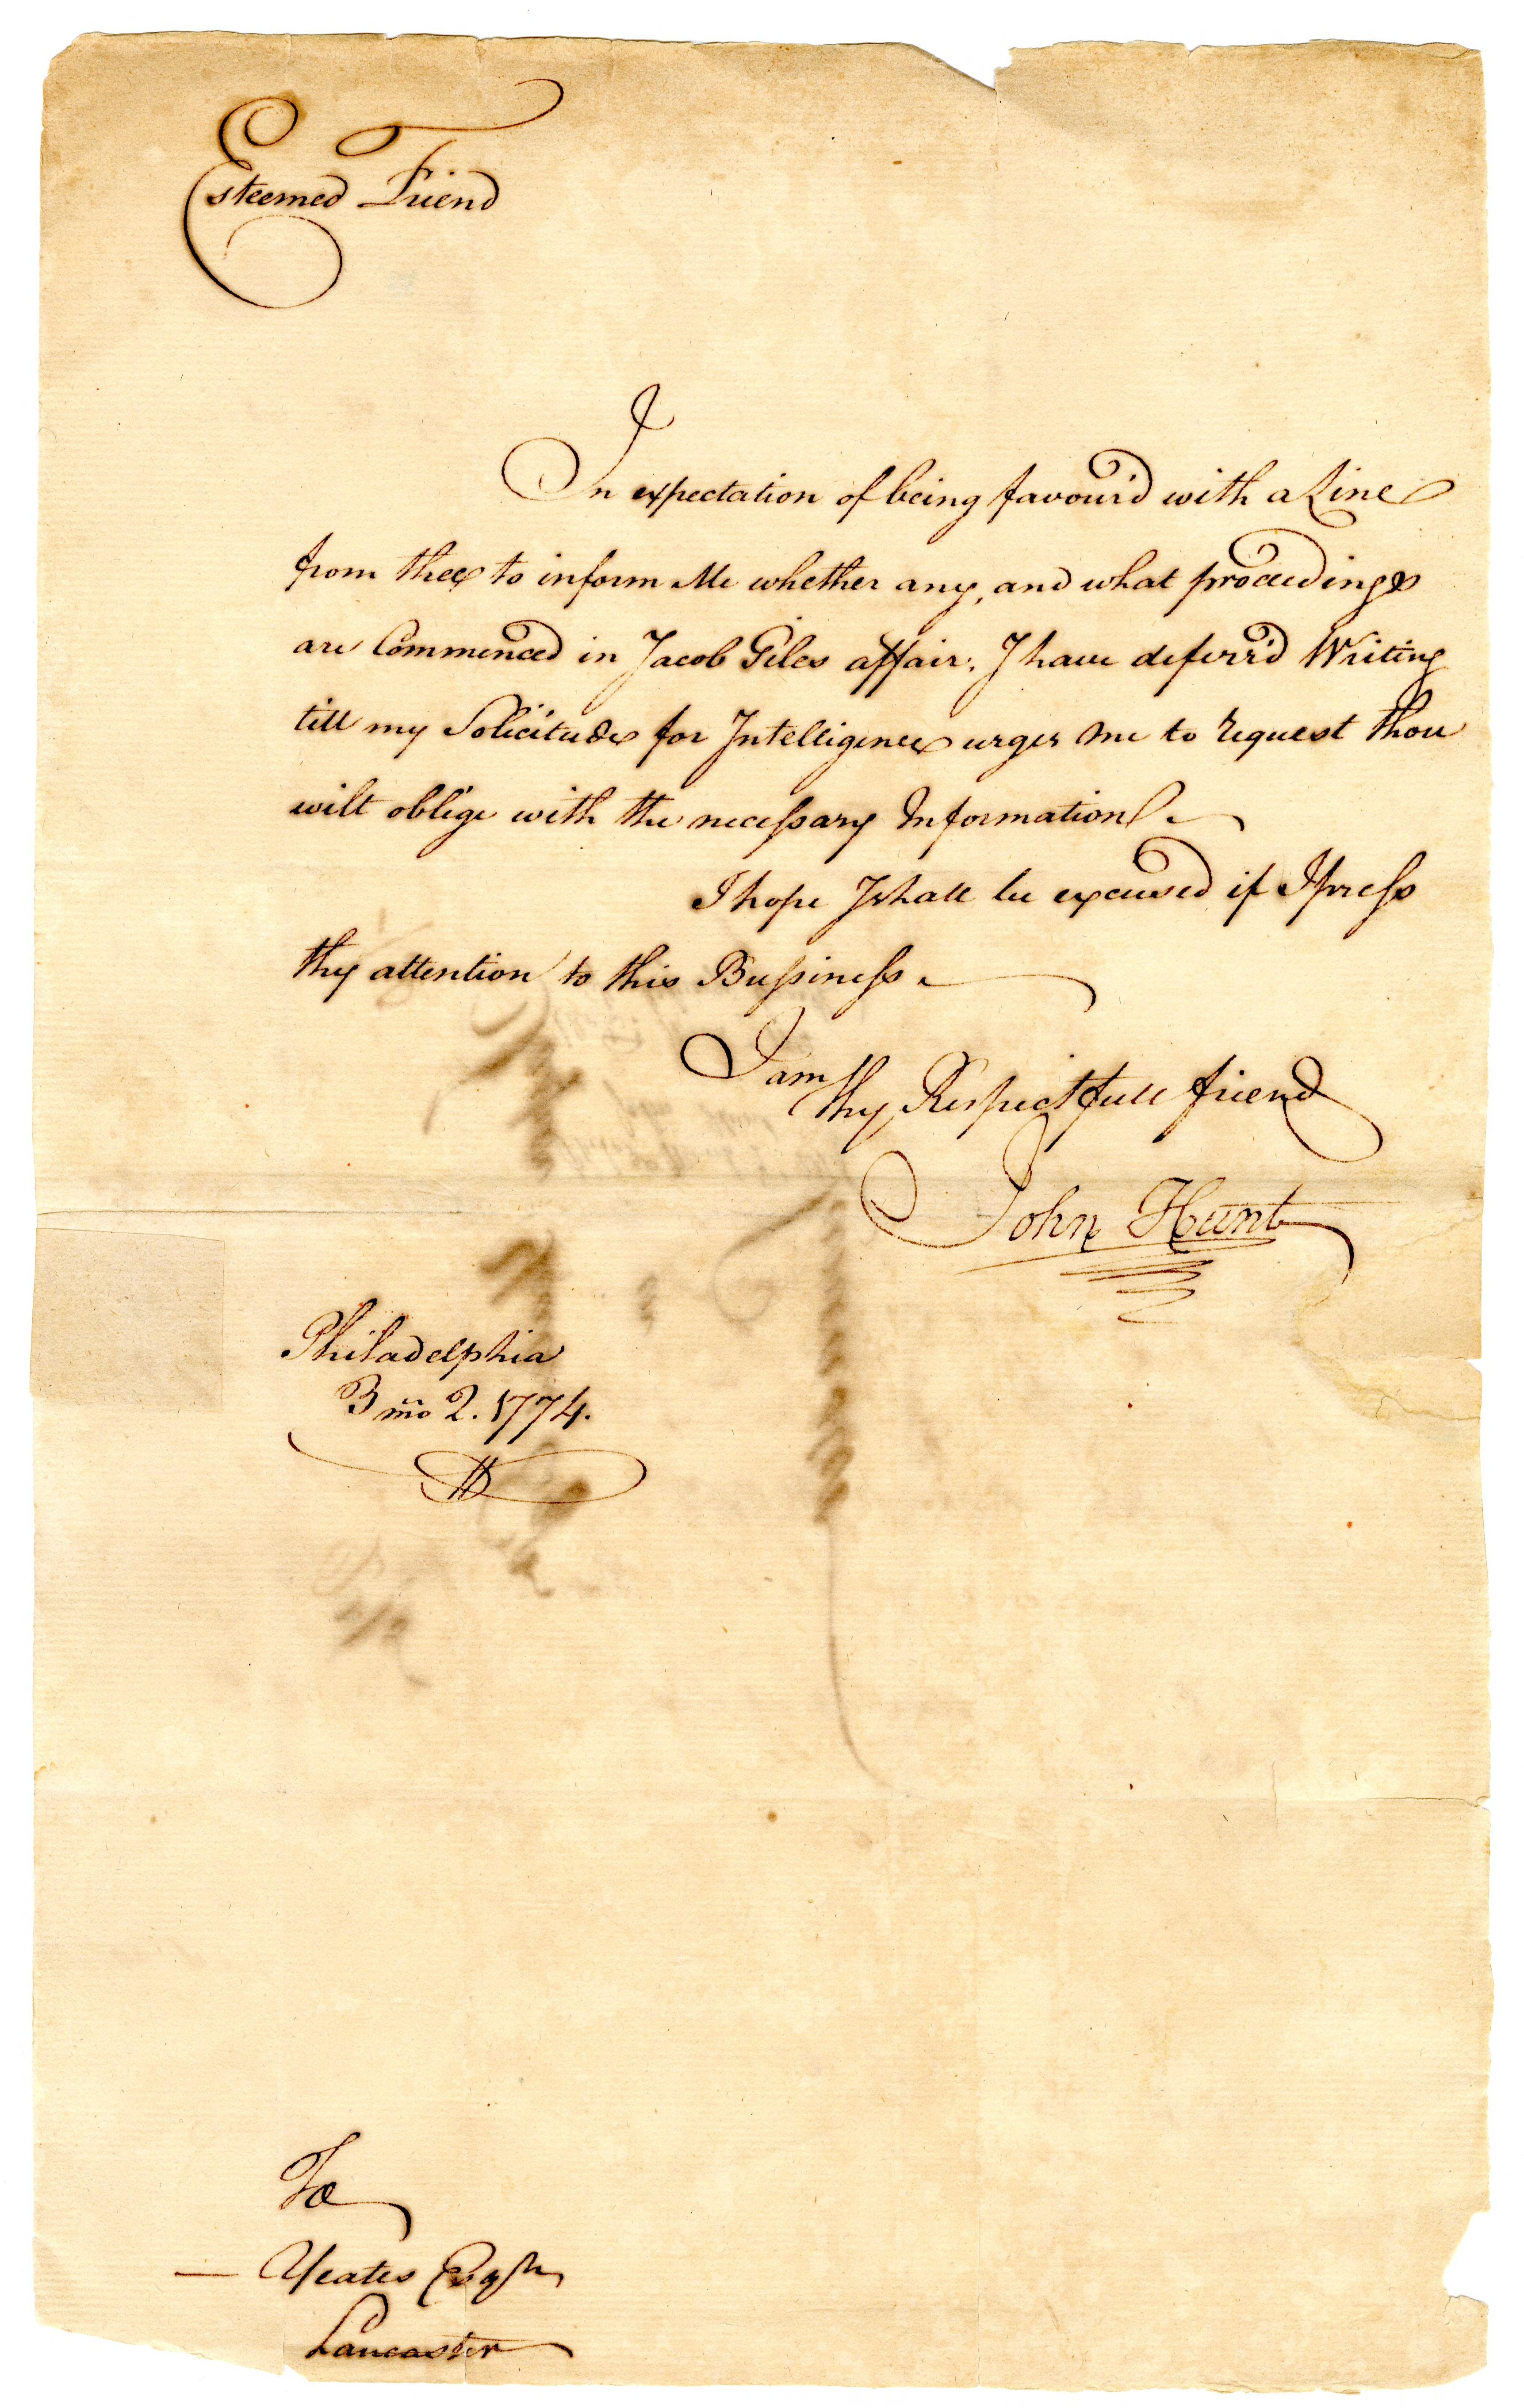Esteemed Friend
In expectation of being favour'd with a Line
from thee to inform Me whether any and what proceedings
are Commenced in Jacob Giles affair. I have deferr'd Writing
till my Solicitude for Intelligence urges me to request thou
wilt oblige with the necessary Information.
thy attention to this Business-
I hope shall be excused if I press
I am
Thy Respectfull friend
John Hunt
Philadelphia
3mo 2. 1774.
To
Yeates Esq^r
Lancaster